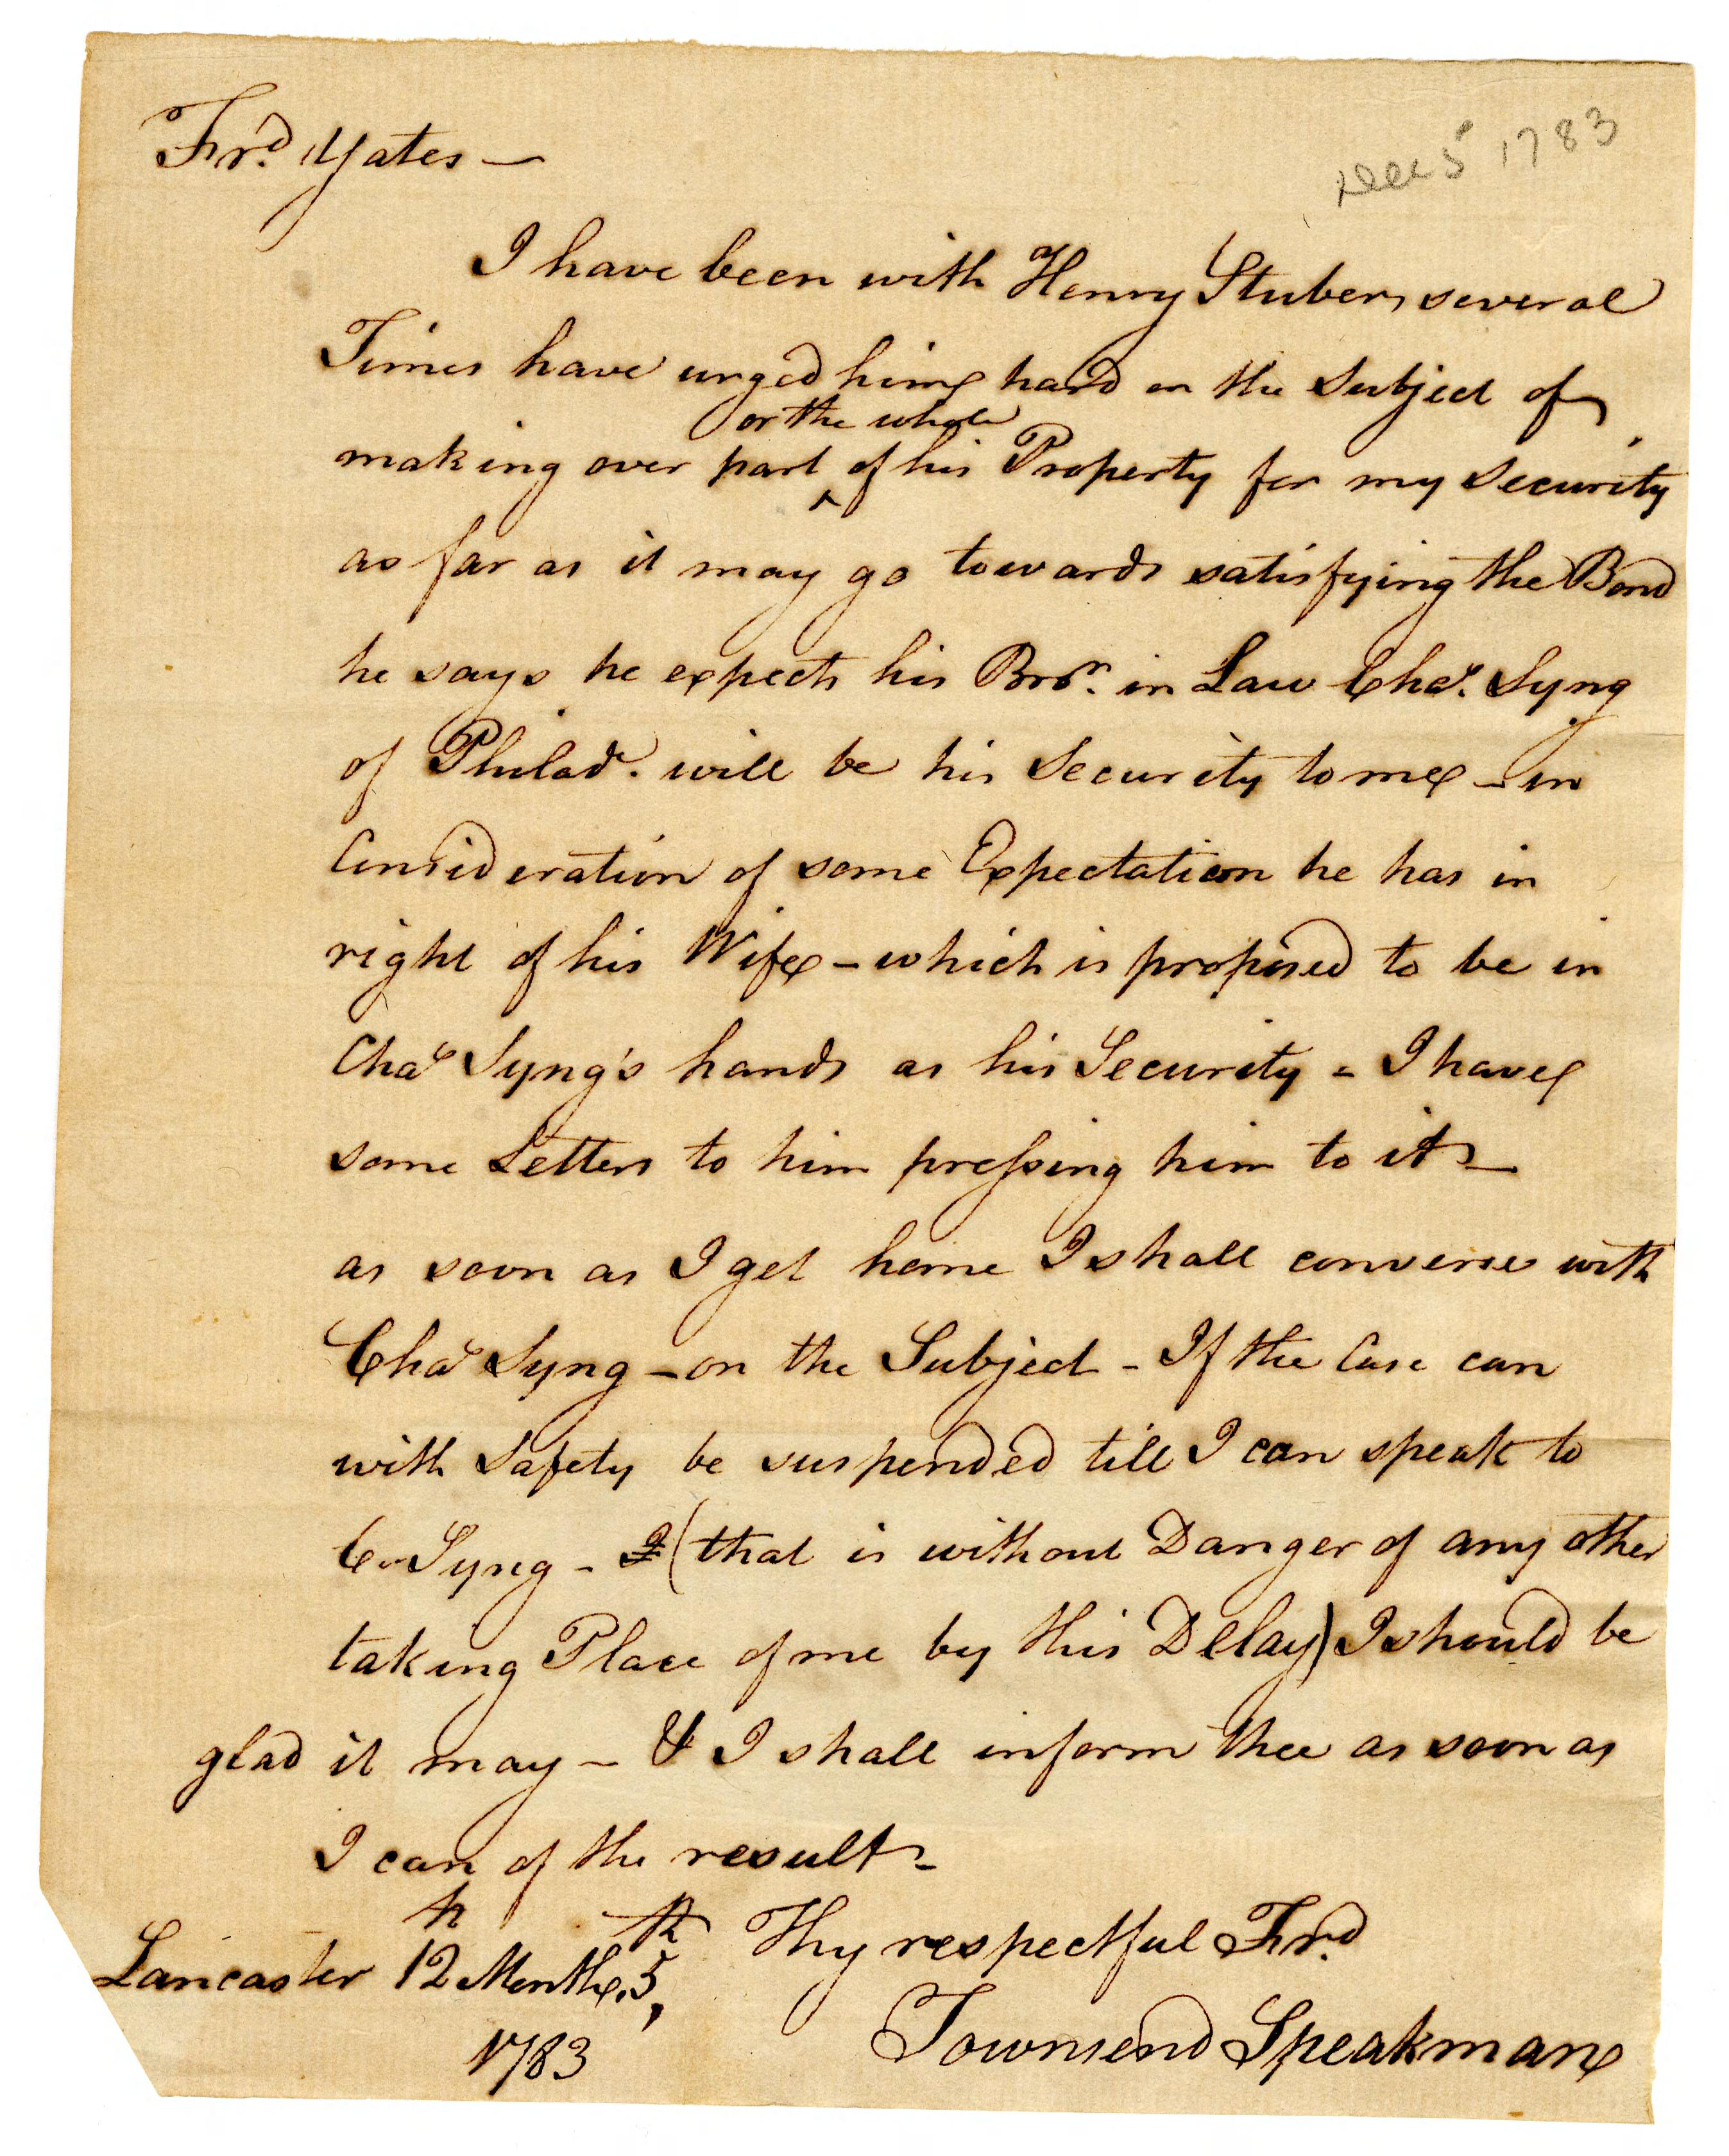Fr^d. Yates
I have been with Henry Stuber several
Times have urged him hard in the Subject of
or the whole
making over part ^ of his Property for my security
as far as it may go towards satisfying the Bond
he says he expects his Bro^r. in Law Cha^s. Syng
of Philad^a will be his Security to me. in
Consideration of some Expectation he has in
right of his Wife, which is proposed to be in
Cha^s Syng's hands as his Security. I have
some Letters to him pressing him to it
as soon as I get home I shall converse with
Cha^s Syng, on the Subject. If the Case can
with Safety be suspended till I can speak to
C. Syng, I (that is without Danger of any other
taking Place of me by this Delay) I should be
glad it may, & I shall inform thee as soon as
I can of the result.
Thy respectful Fr^d.
Townsend Speakman
Lancaster 12 Month, 5^th,
1783